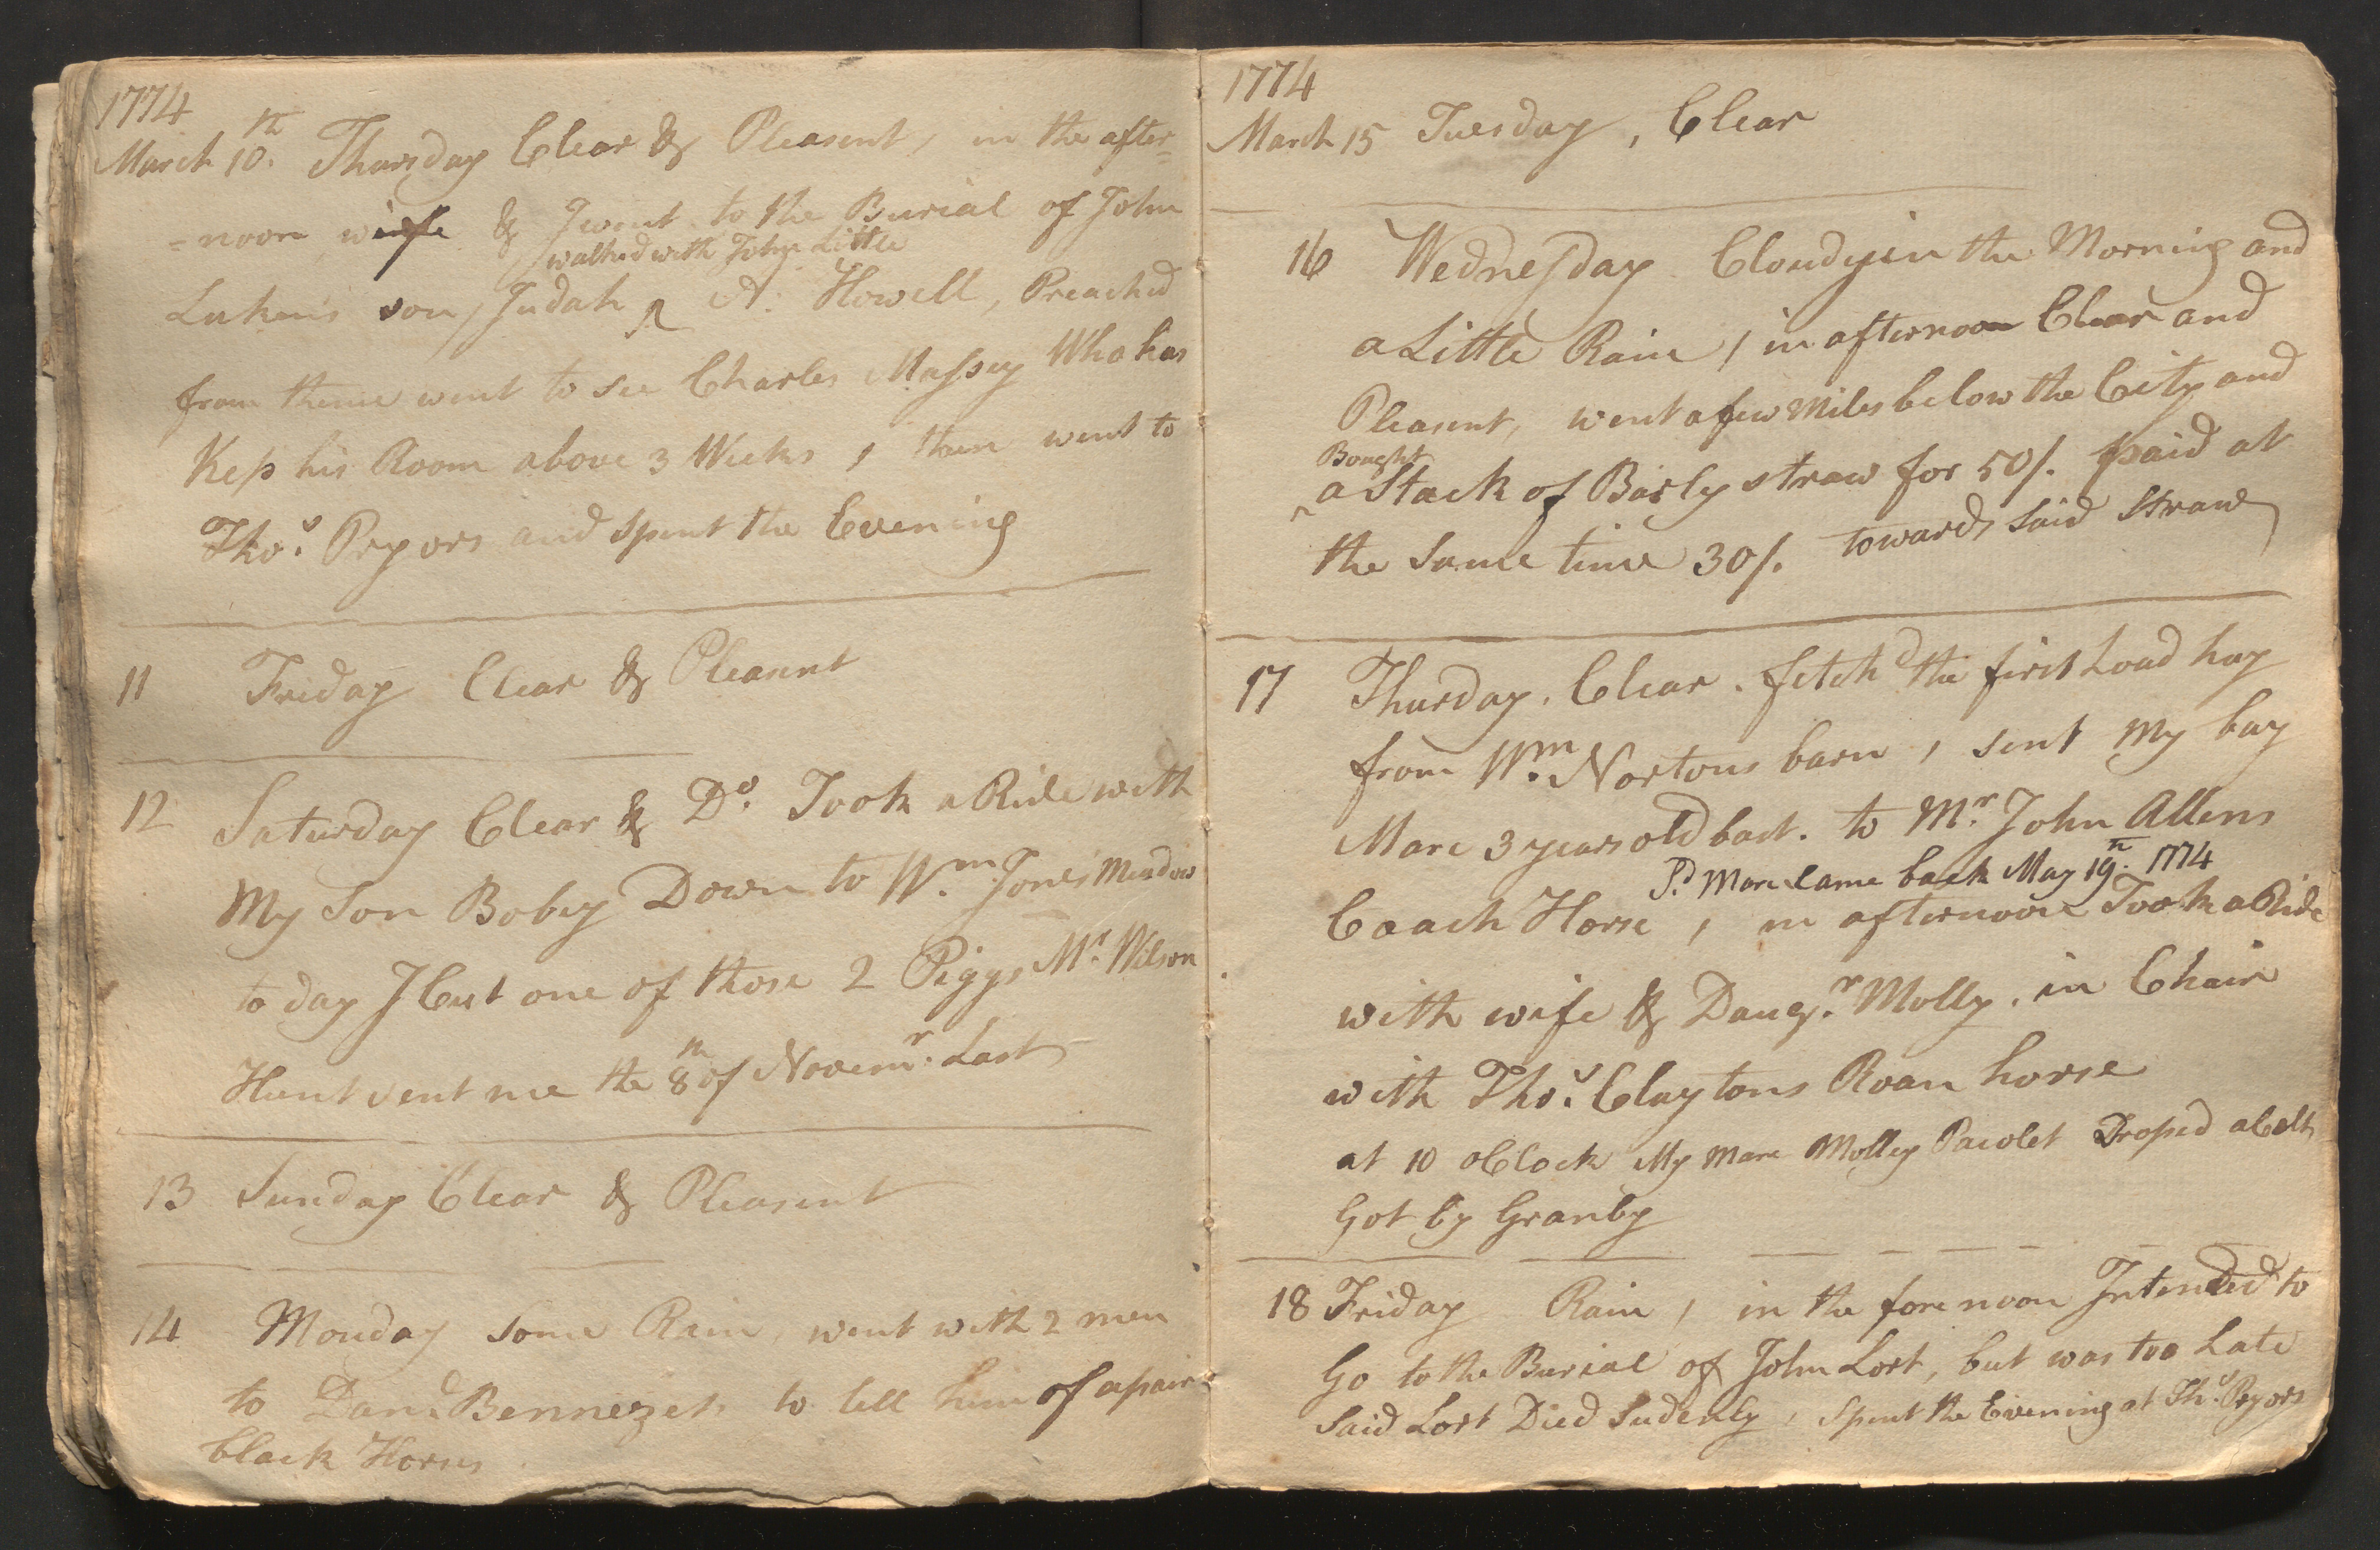1774
March 10^th. Thursday Clear & Pleasent, in the after
-noon wife & I went to the Burial of John
walked with John Little
Luken's son Judah ^ A. Howell, Preached
from thence went to see Charles Massey Who has
Kep his Room above 3 Weeks, then went to
Tho^s. Pryors and spent the Evening
11 Friday Clear & Pleasent
12 Saturday Clear & D^o. Took a Ride with
My Son Bobey Down to W^m Jones Meadow
to day I Cut one of those 2 Piggs M^r. Wilson
Hunt sent me the 8^th of Novem^r. Last
13 Sunday Clear & Pleasent
14 Monday some Rain, went with 2 men
to Danl. Bennezet, to tell him of a pair
black Horses
March 15 Tuesday, Clear
1774
16 Wednesday Cloudy in the Morning and
a Little Rain / in afternoon Clear and
Pleasent, went a few Miles below the City and
Bought
^ a Stack of Barly straw for 50s. paid at
the same time 30s. towards said Straw
17 Thurday. Clear. fetch^d the first Load hay
from W^m. Nortons barn, sent My bay
Mare 3 years old back to M^r. John Allens
Coach Horse, in afternoon Took a Ride
s^d. Mare came back May 19^th. 1774
with wife & Daug^r. Molly, in Chair
with Tho^s. Claytons Roan horse
at 10 oClock My Mare Molley Pacolet Droped a Colt
Got by Granby
18 Friday Rain, in the forenoon Intented to
Go to the Burial of John Lort, but was too Late
Said Lort Died Sudenly, spent the Evening at Th^s. Pryors